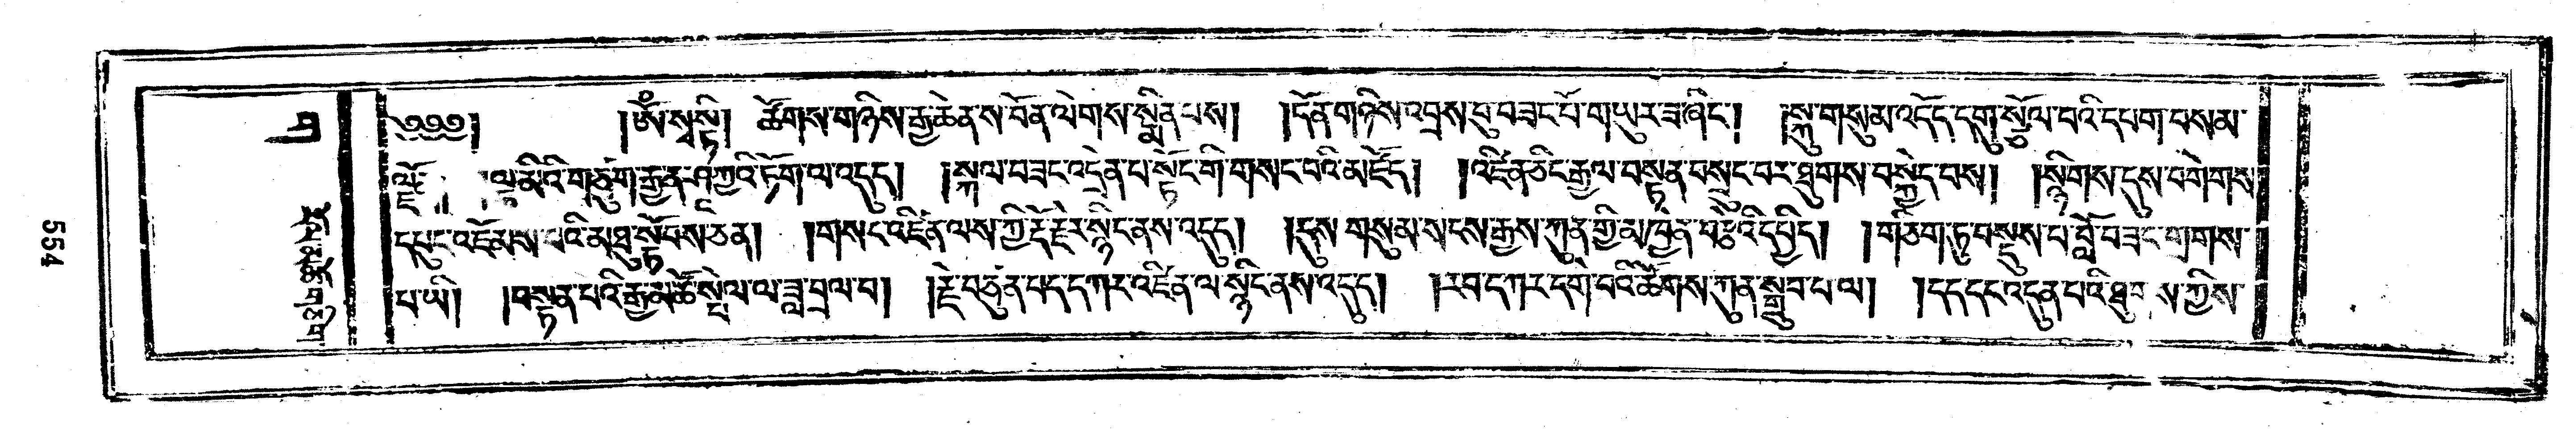༄༅༅། །ཨོཾ་སྭ་སྟི། ཚོགས་གཉིས་རྒྱ་ཆེན་ས་བོན་ལེགས་སྨིན་པས། །དོན་གཉིས་འབྲས་བུ་བཟང་པོ་གཡུར་ཟ་ཞིང་། །སྐུ་གསུམ་འདོད་དགུ་སྩོལ་བའི་དཔག་བསམ་
ལྗོན། །ལྷ་མིའི་གཙུག་རྒྱ་ན་ཤཱཀྱའི་ཏོག་ལ་འདུད། །སྐལ་བཟང་འདྲེན་པ་སྟོང་གི་གསང་བའི་མཛོད། །འཛིན་ཅིང་རྒྱལ་བསྟན་བསྲུང་བར་ཐུགས་བསྐྱེད་བས། །སྙིགས་དུས་བགེགས་
དཔུང་འཇོམས་པའི་མཐུ་སྟོབས་ཅན། །གསང་འཛིན་ལས་ཀྱི་རྡོ་རྗེར་སྙིང་ནས་འདུད། །དུས་གསུམ་སངས་རྒྱས་ཀུན་གྱི་མཁྱེན་བརྩེའི་དཔྱིད། །གཅིག་ཏུ་བསྡུས་པ་བློ་བཟང་གྲགས་
པ་ཡི། །བསྟན་པའི་རྒྱ་མཚོ་སྤེལ་ལ་ཟླ་བྲལ་བ། །རྗེ་བཙུན་པད་དཀར་འཛིན་ལ་སྙིང་འདུད། །རབ་དཀར་དགེ་བའི་ཚོགས་ཀུན་སྒྲུབ་པ་ལ། །དད་དང་འདུན་པའི་ཐུགས་ཀྱིས་